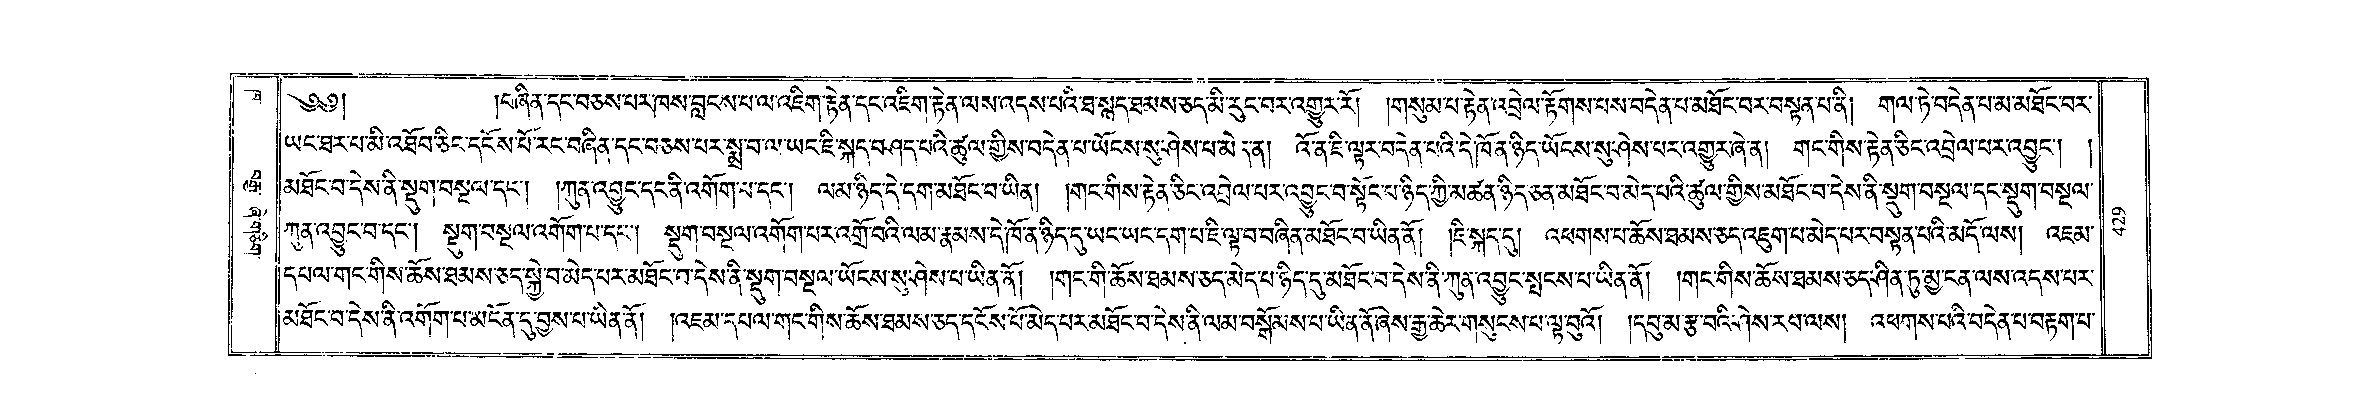༄༅། །བཞིན་དང་བཅས་པར་ཁས་བླངས་པ་ལ་འཇིག་རྟེན་དང་འཇིག་རྟེན་ལས་འདས་པའི་ཐ་སྙད་ཐམས་ཅད་མི་རུང་བར་འགྱུར་རོ། །གསུམ་པ་རྟེན་འབྲེལ་རྟོགས་པས་བདེན་པ་མཐོང་བར་བསྟན་པ་ནི། གལ་ཏེ་བདེན་པ་མ་མཐོང་བར་
ཡང་ཐར་པ་མི་འཐོབ་ཅིང་དངོས་པོ་རང་བཞིན་དང་བཅས་པར་སྨྲ་བ་ལ་ཡང་ཇི་སྐད་བཤད་པའི་ཚུལ་གྱིས་བདེན་པ་ཡོངས་སུ་ཤེས་པ་མེད་ན། འོ་ན་ཇི་ལྟར་བདེན་པའི་དེ་ཁོ་ན་ཉིད་ཡོངས་སུ་ཤེས་པར་འགྱུར་ཞེ་ན། གང་གིས་རྟེན་ཅིང་འབྲེལ་པར་འབྱུང་། །
མཐོང་བ་དེས་ནི་སྡུག་བསྔལ་དང་། །ཀུན་འབྱུང་དང་ནི་འགོག་པ་དང་། ལམ་ཉིད་དེ་དག་མཐོང་བ་ཡིན། །གང་གིས་རྟེན་ཅིང་འབྲེལ་པར་འབྱུང་བ་སྟོང་པ་ཉིད་ཀྱི་མཚན་ཉིད་ཅན་མཐོང་བ་མེད་པའི་ཚུལ་གྱིས་མཐོང་བ་དེས་ནི་སྡུག་བསྔལ་དང་སྡུག་བསྔལ་
ཀུན་འབྱུང་བ་དང་། སྡུག་བསྔལ་འགོག་པ་དང་། སྡུག་བསྔལ་འགོག་པར་འགྲོ་བའི་ལམ་རྣམས་དེ་ཁོ་ན་ཉིད་དུ་ཡང་ཡང་དག་པ་ཇི་ལྟ་བ་བཞིན་མཐོང་བ་ཡིན་ནོ། །ཇི་སྐད་དུ། འཕགས་པ་ཆོས་ཐམས་ཅད་འཇུག་པ་མེད་པར་བསྟན་པའི་མདོ་ལས། འཇམ་
དཔལ་གང་གིས་ཆོས་ཐམས་ཅད་སྐྱེ་བ་མེད་པར་མཐོང་བ་དེས་ནི་སྡུག་བསྔལ་ཡོངས་སུ་ཤེས་པ་ཡིན་ནོ། །གང་གི་ཆོས་ཐམས་ཅད་མེད་པ་ཉིད་དུ་མཐོང་བ་དེས་ནི་ཀུན་འབྱུང་སྤངས་པ་ཡིན་ནོ། །གང་གིས་ཆོས་ཐམས་ཅད་ཤིན་ཏུ་མྱ་ངན་ལས་འདས་པར་
མཐོང་བ་དེས་ནི་འགོག་པ་མངོན་དུ་བྱས་པ་ཡིན་ནོ། །འཇམ་དཔལ་གང་གིས་ཆོས་ཐམས་ཅད་དངོས་པོ་མེད་པར་མཐོང་བ་དེས་ནི་ལམ་བསྒོམས་པ་ཡིན་ནོ་ཞེས་རྒྱ་ཆེར་གསུངས་པ་ལྟ་བུའོ། །དབུ་མ་རྩ་བའི་ཤེས་རབ་ལས། འཕགས་པའི་བདེན་པ་བརྟག་པ་